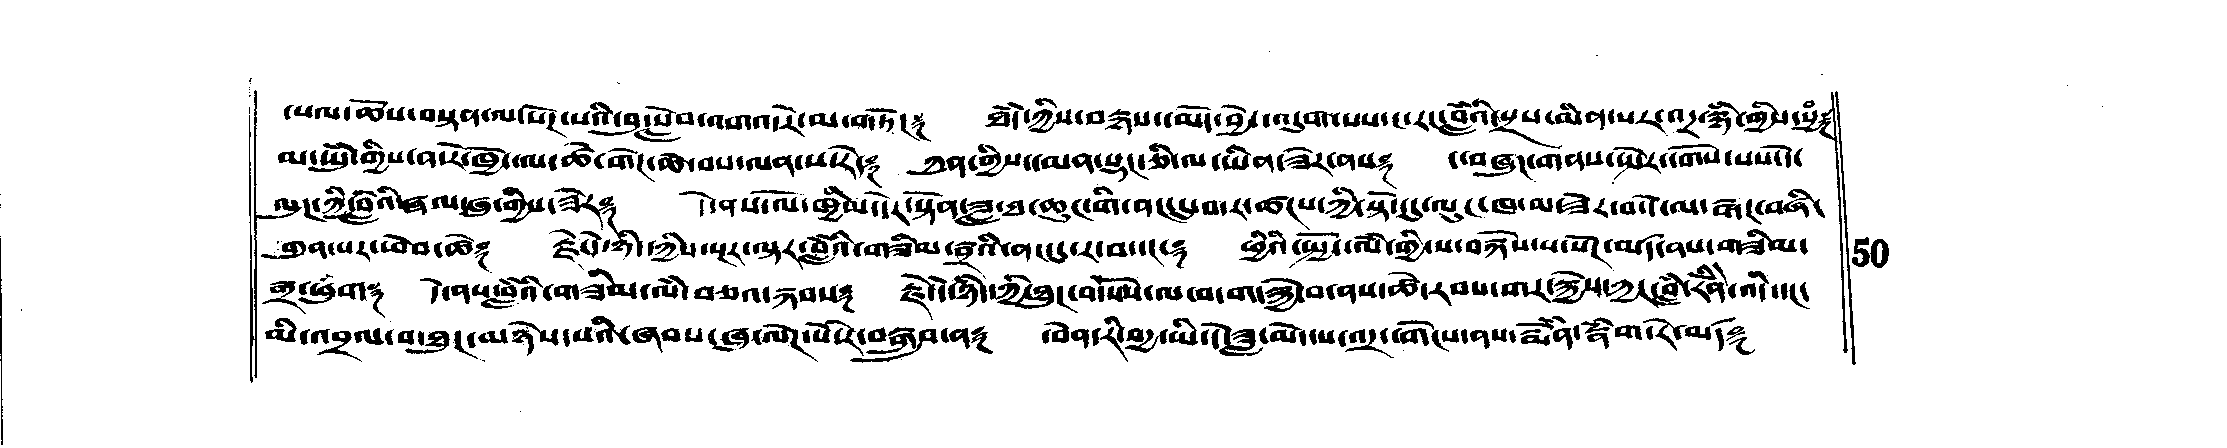དཔལ་ཆོས་བསྟན་ལ་སོགས་པའི་བུ་སློབ་འགའ་རེ་མ་གཏོགས། ཐམས་ཅད་ཀྱིས་བརྙས་དམོད་བྱེད་འདུག་པས་ང་རང་བླ་མའི་སྲས་མིན་པར་འདྲ་སྙམ་གྱིས་གསུངས། 
མ་ཡུམ་གྱིས་ན་རེ་ཁྱོད་ལ་ཚེ་གེགས་ཆེ་བས་ལན་པ་རེད། ཀུན་གྱིས་དམན་ལྡང་ཅི་ལ་ཡིན་ཟེར་ནས། ད་བཞུགས་གནས་སྤོར་དགོས་པས་དེ་
ལུགས་ཀྱི་བླ་མའི་ཞལ་ཞུ་གྱིས་ཟེར། དེ་ནས་ལོ་ཁྱིམ་དེར་སྟོན་ཟླ་ཐ་ཆུང་གི་ནང་དུ་བ་ར་ཚངས་ཀྱི་སྟོད་དུ་ལུང་ཁ་མ་ཟེར་བ་དེ་ལ་སྒར་གཞིས་
དགུན་སར་ཕེབས་ཚེ།རྗེ་དེ་ཉིད་ཀྱིས་སྔར་ལྟར་བླ་མའི་གཟིམ་སྦྲའི་ནང་དུ་ར་བ་དང་། ཕྱིའི་སྤྱོད་ལམ་གྱི་ས་བརྐོས་པ་སོགས་མཛད་ནས་གཟིམ་
སྦྲ་ཕུབ། དེ་ནས་བླ་མའི་གཟིམ་ལམ་བཅའ་སྐབས། རྗེ་དེ་ཉིད་ཀྱི་ཐུགས་བདེ་གསོས་ལ་བདག་སྐྱེ་བ་ནས་ཚེ་རབས་གར་སྐྱེས་ཀྱང་བླ་མ་རིན་པོ་ཆེ་འདི་དང་
མི་འབྲལ་བ་ཐུགས་མཉེས་པའི་ཞབས་ཞུ་ལེགས་པོ་རེ་བསྒྲུབ་ན། དབེན་རི་བརྒྱ་ཡི་དོ་ཟླ་མེད་པ་འདྲ་དགོངས་ནས་སྨོན་ལམ་རྣམ་དག་རེ་མཛད།